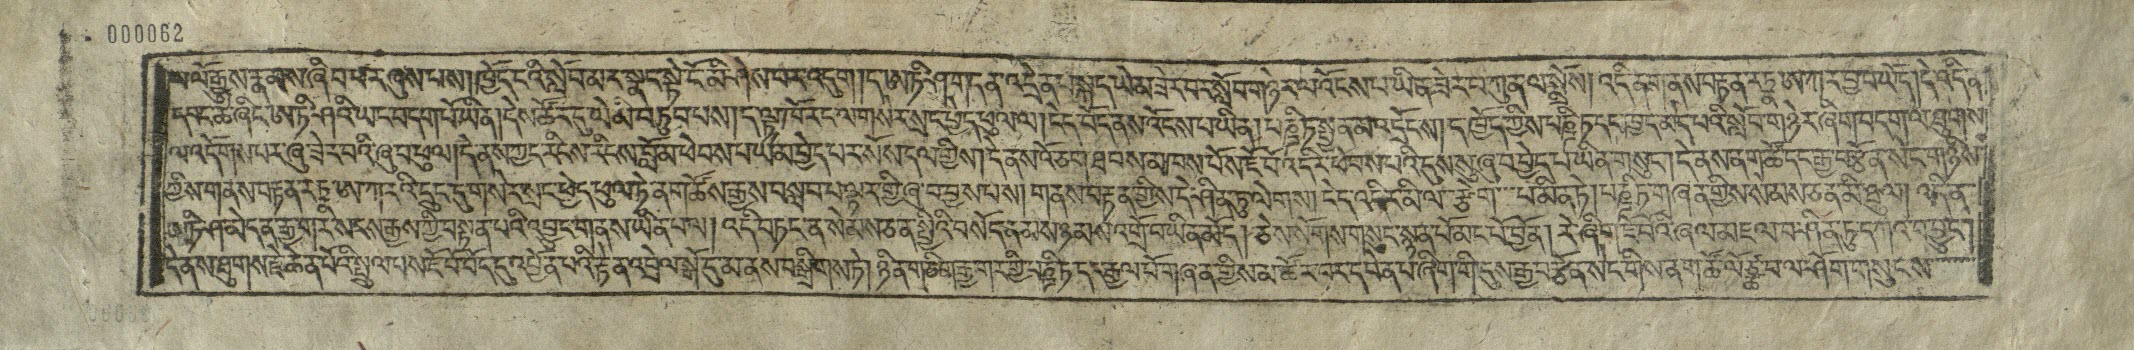ལ་ལོ་རྒྱུས་རྣམས་ཞིབ་པར་ཞུས་པས། ཁྱོད་ངའི་སློབ་མར་སྣང་སྟེ་ངོ་མི་ཤེས་པར་འདུག །ད་ཨ་ཏི་ཤ་གདན་འདྲེན་པ་སྐད་ཡེ་མ་ཟེར་བར་སློབ་གཉེར་ལ་འོངས་པ་ཡིན་ཟེར་བ་ཀུན་ལ་སྨྲོས། འདི་ན་གནས་བརྟན་རཏྣ་ཨ་ཀར་བྱ་བ་ཡོད། དེ་འདི་ན་
དབང་ཆེ་ཞིང་ཨ་ཏི་ཤའི་ཡང་བདག་པོ་ཡིན། དེས་ཚོར་དུ་ཡེ་མི་བཏུབ་པས། ད་ལྟ་ཁོ་རང་ལ་གསེར་སྲང་ཕྱེད་ཕུལ་ལ། ངེད་བོད་ནས་འོངས་པ་ཡིན། པཎྜི་ཏ་སྤྱན་མ་འདྲོངས། ད་ཁྱོད་ཀྱིས་པཎྜི་ཏ་དང་ཁྱད་མེད་པའི་སློབ་གཉེར་ཞིག་བདག་ལ་ཐུགས་
ལ་འདོགས་པར་ཞུ་ཟེར་བའི་ཞུ་བ་ཕུལ། དེ་ནས་ཀྱང་རིངས་རིངས་བློ་མ་ཕེབས་པ་ཡེ་མ་བྱེད་པར་སོས་དལ་གྱིས། དེ་ནས་འོ་ཅག་ཐབས་མཁས་པོས་ཇོ་བོ་འདིར་ཕེབས་པའི་དུས་སུ་ཞུ་བ་བྱེད་པ་ཡིན་གསུང་། དེ་ནས་ནག་ཚོ་དང་རྒྱ་བརྩོན་སེང་གཉིས་
ཀྱིས་གནས་བརྟན་རཏྣ་ཨ་ཀ་རའི་དྲུང་དུ་གསེར་སྲང་ཕྱེད་ཕུལ་ཏེ་ནག་ཚོས་རྒྱས་བསླབ་པ་ལྟར་གྱི་ཞུ་བ་བྱས་པས། གནས་བརྟན་གྱིས་དེ་ཤིན་ཏུ་ལེགས། ངེད་འདིར་མི་ལ་རྩེག་པ་མིན་ཏེ། པཎྜི་ཏ་གཞན་གྱིས་སེམས་ཅན་མི་ཐུལ། འདི་ན་
ཨ་ཏི་ཤ་མེད་ན་རྒྱ་གར་སངས་རྒྱས་ཀྱི་བསྟན་པའི་འབྱུང་གནས་ཡིན་པ་ལ། འདི་བཏང་ན་སེམས་ཅན་སྤྱིའི་བསོད་ནམས་ཉམས་འགྲོ་བ་ཡིན་མོད། ཅེས་སོགས་གསུང་སྙན་པོ་མང་པོ་བྱོན། རེ་ཞིག་ཇོ་བོའི་ཞལ་མཇལ་བ་ཤིན་ཏུ་དཀའ་བ་བྱུང་།
དེ་ནས་ཐུགས་རྗེ་ཆེན་པོའི་སྤྲུལ་པས་ཇོ་བོ་བོད་དུ་འབྱོན་པའི་རྟེན་འབྲེལ་སྒོ་དུ་མ་ནས་བསྒྲིགས་ཏེ། ཉིན་གཅིག་རྒྱ་གར་གྱི་པཎྜི་ཏ་དང་རྒྱལ་པོ་གཞན་གྱིས་མ་ཚོར་བར་དབེན་པ་ཞིག་གི་དུས་རྒྱ་བརྩོན་སེང་གིས་ནག་ཚོ་ལོ་ཙྪ་བ་ལ་ཤོག་གསུངས་